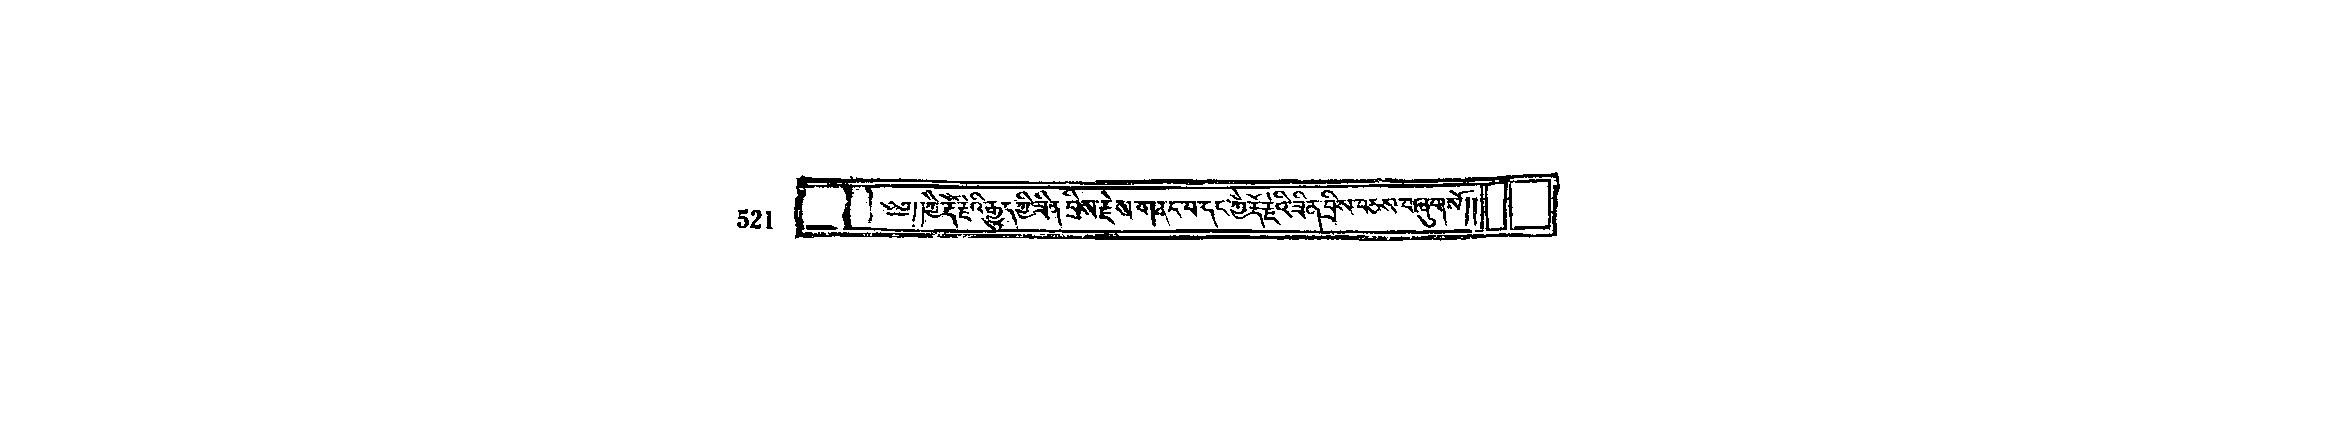༄༅། །ཀྱཻ་རྡོ་རྗེའི་རྒྱུད་ཀྱི་ཟིན་བྲིས་རྗེས་གནང་བ་དང་ཀྱཻ་རྡོ་རྗེའི་ཟིན་བྲིས་བཅས་བཞུགས་སོ། །